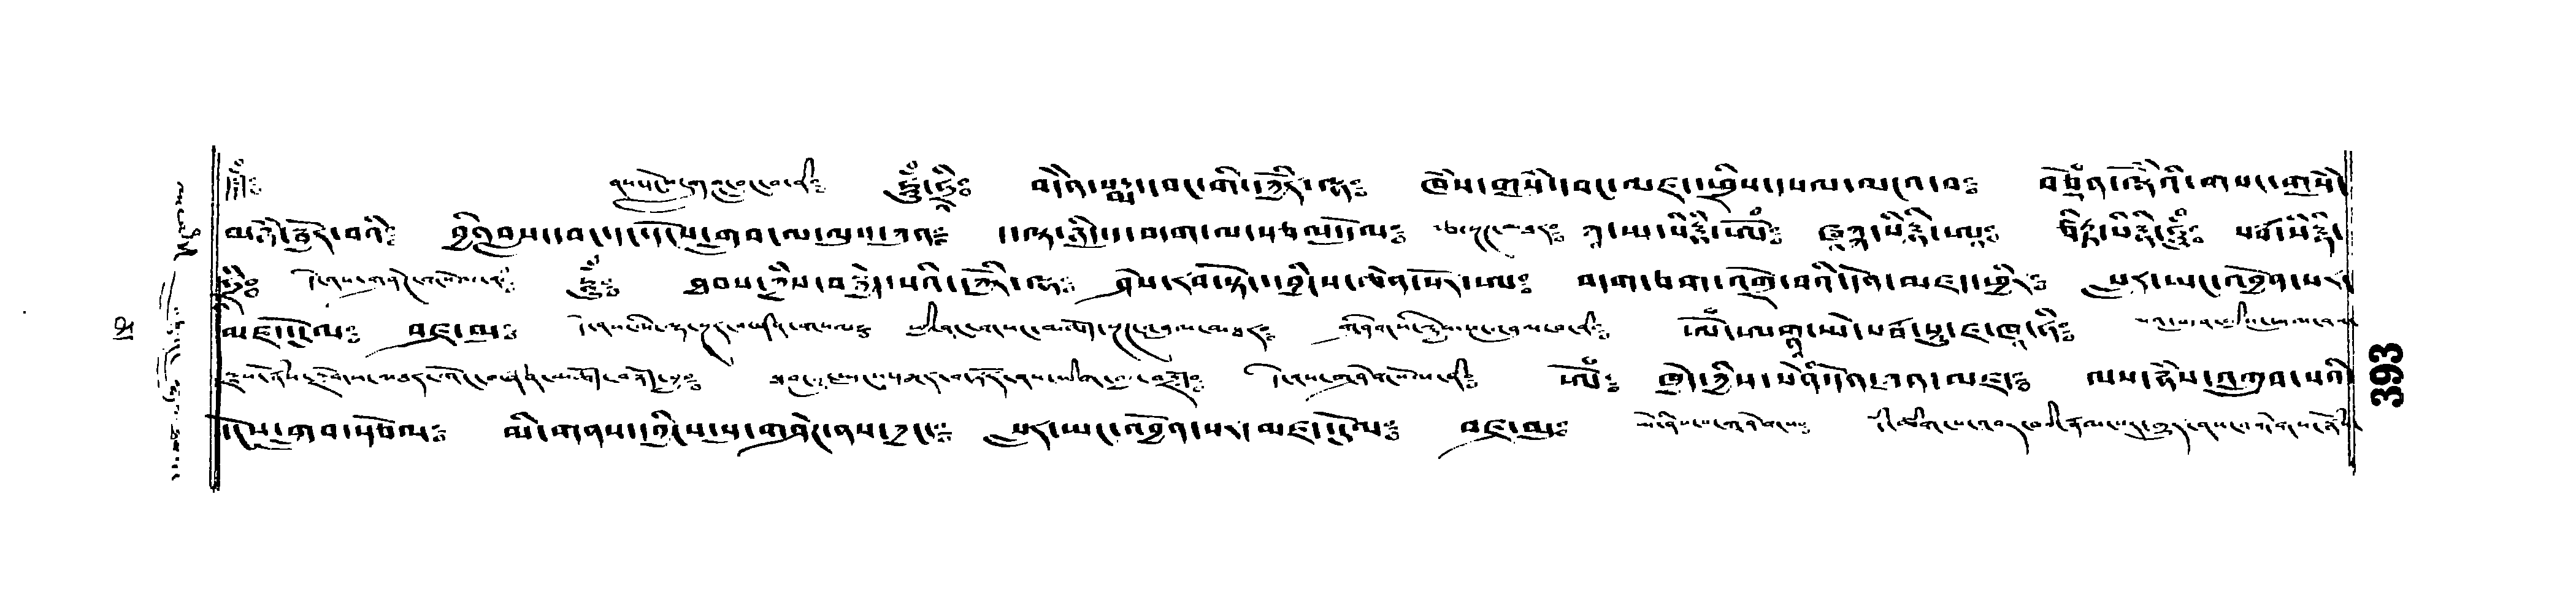ནས་དངོས་གྲུབ་བླང་བ་ནི༔ ཧཱུྃ་ཧྲཱིཿ བདེ་ཆེན་པདྨ་དབང་གི་དཀྱིལ་འཁོར་ལྷ༔ ཁམས་གསུམ་དབང་མཛད་ཕྲིན་ལས་དཔལ་མངའ་བ༔ བཅོམ་ལྡན་ལྷ་མོའི་གསང་གསུམ་
མཉམ་སྦྱོར་བའི༔ བྱིན་རླབས་དབང་དང་དངོས་གྲུབ་མ་ལུས་ཀུན༔ ད་ལྟ་ཉིད་དུ་བདག་ལ་བསྩལ་དུ་གསོལ༔ རྩ་སྔགས་མཐར༔ ཀཱ་ཡ་སིདྡྷི་ཨོཾ༔ ཝཱཀྐ་སིདྡྷི་ཨཱཿ ཙིཏྟ་སིདྡྷི་ཧཱུྃ༔ སརྦ་སིདྡྷི་
ཧྲཱིཿ དེ་ནས་གཤེགས་གསོལ་ནི༔ ཧཱུྃ༔ ཐབས་ཀྱིས་བསྐྱེད་པའི་དཀྱིལ་འཁོར་ལྷ༔ ཤེས་རབ་སྟོང་དབྱིངས་ཆེན་པོར་ཨཱཿ བདག་ཅག་འགྲོ་བའི་དོན་མཛད་ཕྱིར༔ སླར་ཡང་འབྱོན་པར་
མཛད་དུ་གསོལ༔ བཛྲ་མུཿ དེ་ནས་མེ་ལྷ་ལྔར་བཞིན་གསལ༔ ཕྱི་ནང་གསང་མཆོད་སྔགས་འབུལ་མཐར༔ གཤེགས་སྐྱེམས་འབུལ་བ་ནི༔ ཨོཾ་ཨགྣཱ་ཡེ་སརྦ་པཱུ་ཛ་ཁཱ་ཧིཿ ལན་བདུན་གྱིས་ཕུལ་ནས་
རྫས་རྣམས་རྫོགས་མཐར་གོང་བཞིན་མཆོད་བསྟོད་བྱ༔ ཐབ་ཏུ་ཡུངས་དཀར་གཏོར་ནས་ཡིག་བརྒྱ་བརྗོད༔ དེ་ནས་གཤེགས་སོལ་ནི༔ ཨོཾ༔ ཁྱེད་ཀྱིས་སེམས་ཅན་དོན་ཀུན་མཛད༔ ལས་རྣམས་འགྲུབ་པའི་
དངོས་གྲུབ་སྩོལ༔ མི་གནས་དབྱིངས་སུ་གཤེགས་ནས་ཀྱང༔ སླར་ཡང་འབྱོན་པར་མཛད་དུ་གསོལ༔ བཛྲ་མུཿ ཡེ་ཤེས་པ་གཤེགས༔ དམ་ཚིག་པ་འབར་བའི་རྣམ་པར་གྱུར་ནས་བགེགས་རྣམས་